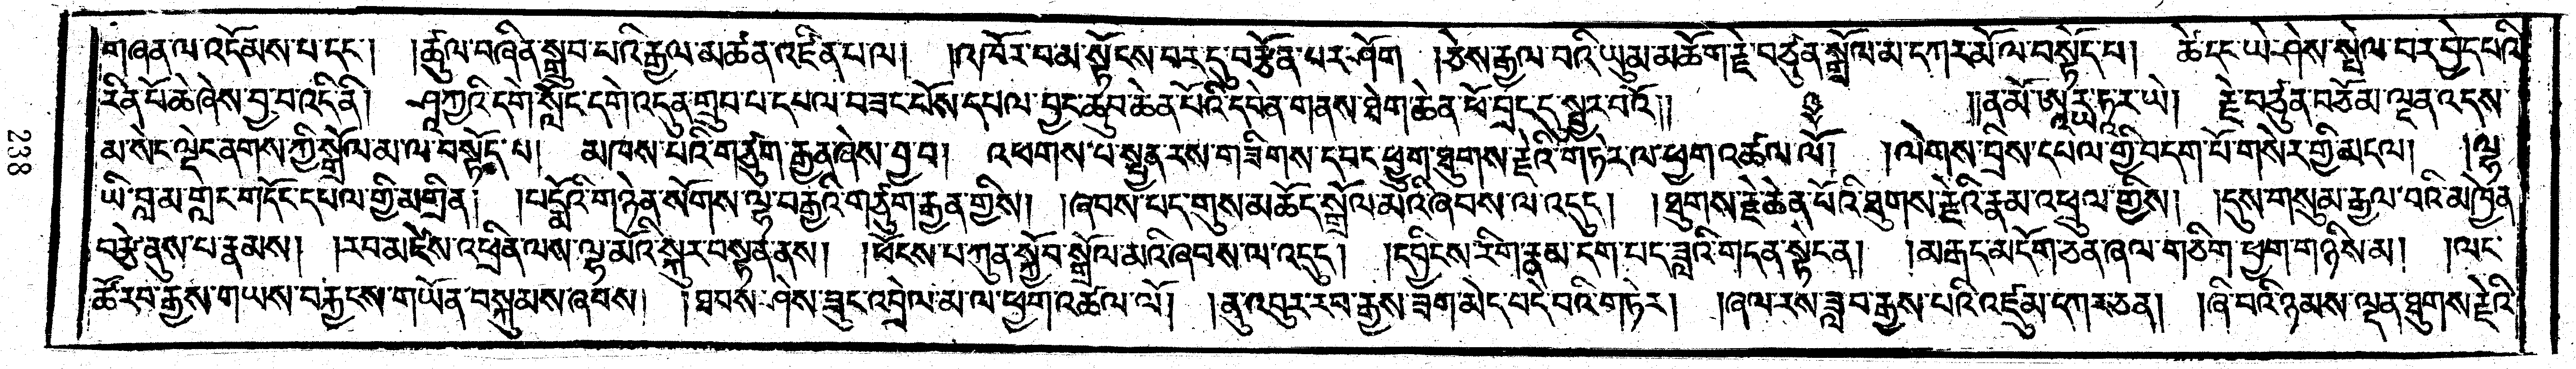གཞན་ལ་འདོམས་པ་དང་། །ཚུལ་བཞིན་སྒྲུབ་པའི་རྒྱལ་མཚན་འཛིན་པ་ལ། །འཁོར་བ་མ་སྟོངས་བར་དུ་བརྩོན་པར་ཤོག །ཅེས་རྒྱལ་བའི་ཡུམ་མཆོག་རྗེ་བཙུན་སྒྲོལ་མ་དཀར་མོ་ལ་བསྟོད་པ། ཚེ་དང་ཡེ་ཤེས་སྤེལ་བར་བྱེད་པའི་
རིན་པོ་ཆེ་ཞེས་བྱ་བ་འདི་ནི། ཤཱཀྱའི་དགེ་སློང་དགེ་འདུན་གྲུབ་པ་དཔལ་བཟང་པོས་དཔལ་བྱང་ཆུབ་ཆེན་པོའི་དབེན་གནས་ཐེག་ཆེན་ཕོ་བགྲང་དུ་སྦྱར་བའོ།། ༈ །།ན་མོ་ཨཱ་རྱ་ཏཱ་ར་ཡེ། རྗེ་བཙུན་བཅོམ་ལྡན་འདས་
མ་སེང་ལྡེང་ནགས་ཀྱི་སྒྲོལ་མ་ལ་བསྟོད་པ། མཁས་པའི་གཙུག་རྒྱན་ཞེས་བྱ་བ། འཕགས་པ་སྤྱན་རས་གཟིགས་དབང་ཕྱུག་ཐུགས་རྗེའི་གཏེར་ལ་ཕྱག་འཚལ་ལོ། །ལེགས་བྲིས་དཔལ་གྱི་བདག་པོ་གསེར་གྱི་མངལ། །ལྷ་
ཡི་བླ་མ་གླང་གདོང་དཔལ་གྱི་མགྲིན། །པདམོའི་གཉེན་སོགས་ལྷ་བརྒྱའི་གཙུག་རྒྱན་གྱིས། །ཞབས་པད་གུས་མཆོད་སྒྲོལ་མའི་ཞབས་ལ་འདུད། །ཐུགས་རྗེ་ཆེན་པོའི་ཐུགས་རྗེའི་རྣམ་འཕྲུལ་གྱིས། །དུས་གསུམ་རྒྱལ་བའི་མཁྱེན་
བརྩེ་ནུས་པ་རྣམས། །རབ་མཛེས་འཕྲིན་ལས་ལྷ་མོའི་སྐུར་བསྟན་ནས། །ཕོངས་པ་ཀུན་སྐྱོབ་སྒྲོལ་མའི་ཞབས་ལ་འདུད། །དབྱིངས་རིག་རྣམ་དག་པད་ཟླའི་གདན་སྟེང་ན། །མ་རྒད་མདོག་ཅན་ཞལ་གཅིག་ཕྱག་གཉིས་མ། །ལང་
ཚོ་རབ་རྒྱས་གཡས་བརྐྱངས་གཡོན་བསྐུམས་ཞབས། །ཐབས་ཤེས་ཟུང་འབྲེལ་མ་ལ་ཕྱག་འཚལ་ལོ། །ནུ་འབུར་རབ་རྒྱས་ཟག་མེད་བདེ་བའི་གཏེར། །ཞལ་རས་ཟླ་བ་རྒྱས་པའི་འཛུམ་དཀར་ཅན། །ཞི་བའི་ཉམས་ལྡན་ཐུགས་རྗེའི་